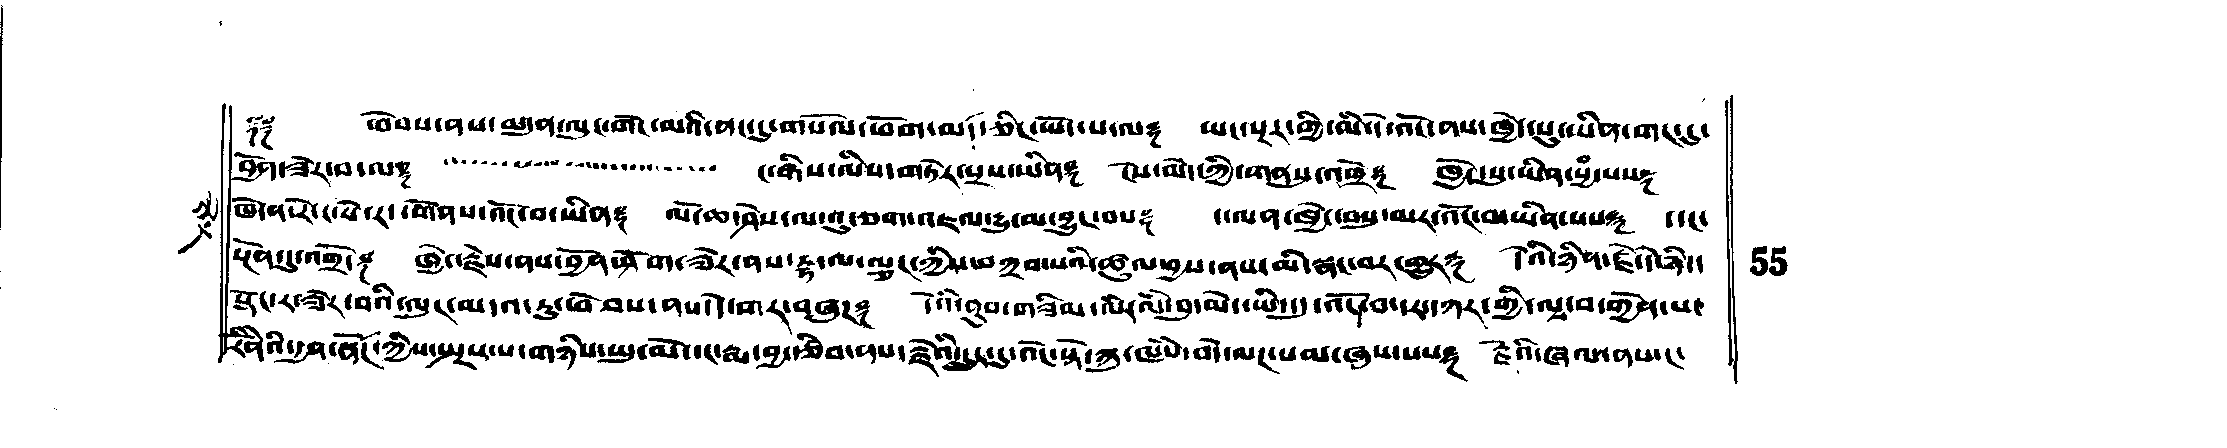ཕེབས་ནས་མདུན་ལུང་གོང་མའི་ནང་དུ་གསོལ་ཕོག་མཛད་ཅིང་ཡོད་པ་ལ། ཡང་སྔར་གྱི་མི་དེ་འོང་ནས་ཁྱེད་སུ་ཡིན་གང་དུ་
བྱོན་ཟེར་བ་ལ། ང་རྒིས་ལིས་གཏེར་སྲས་ཡིན། ངེས་མེད་ཀྱི་གནས་སུ་འགྲོ། ཁྱོད་སུ་ཡིན་གསུངས་པས། 
ཁོ་ན་རེ་ང་སེ་ར་དགོན་ནས་འོང་བ་ཡིན། ལོ་ཆ་ཤེས་ལ་འུ་ཅག་མཇལ་རྒྱུ་མ་བྱུང་བས། ད་ལན་ཁྱེད་བསུ་མར་འོང་བ་ཡིན་པས། ད་ང་
སྔོན་དུ་འགྲོ། ཁྱེད་རྗེས་ནས་བྱོན་ཤོག་ཟེར་ནས་རྟ་ལ་ལྕགས་ཀྱིས་བྲབས་པའི་ཚུལ་བྱས་ནས་མི་སྣང་བར་གྱུར། དེའི་ཉིན་རྗེ་དེ་ཉིད་
སྡོང་ར་ཟེར་བའི་ལུང་མདའ་རུ་ཕེབས་ནས་དེ་གར་བཞུགས། དེའི་ནུབ་གཟིམ་ལམ་ལ་བུད་མེད་ཡིད་དུ་འོང་བ་དར་དཀར་གྱི་ལྭ་བ་གྱོན་པ་
རིན་པོ་ཆེའི་རྒྱན་སྣ་ཚོགས་ཀྱིས་སྤྲས་པ་གཉིས་ཡུ་མོ་དང་རྨ་བྱ་བཅིབས་ནས་རྗེའི་དྲུང་དུ་འོང་སྟེ་སྐུ་ཁམས་བདེ་ལགས་སམ་ཞུས་པས། རྗེའི་ཞལ་ནས་ང་